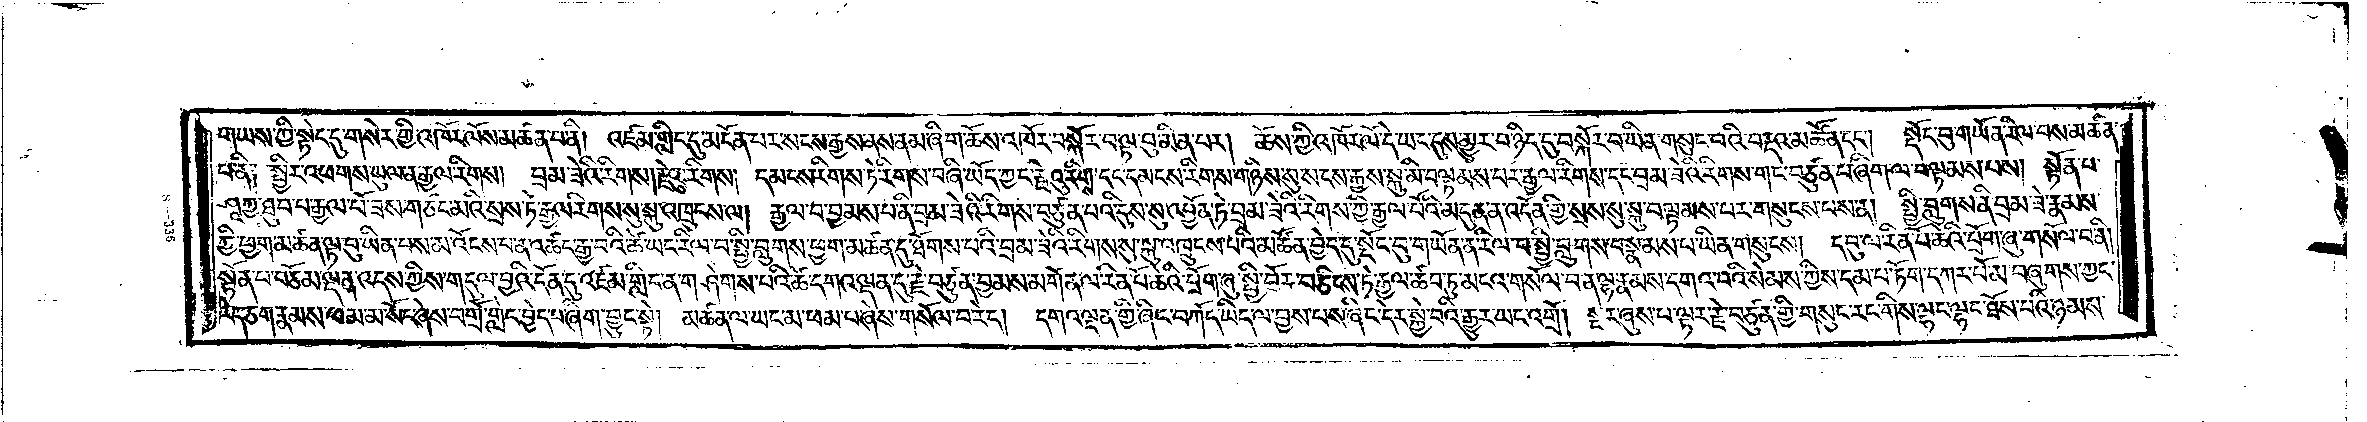གཡས་ཀྱི་སྟེང་དུ་གསེར་གྱི་འཁོར་ལོས་མཚན་པ་ནི། འཛམ་གླིང་དུ་མངོན་པར་སངས་རྒྱས་ནས་ནམ་ཞིག་ཆོས་འཁོར་བསྐོར་བ་ལྟ་བུ་མིན་པར། ཆོས་ཀྱི་འཁོར་ལོ་དེ་ཡང་དུས་མྱུར་བ་ཉིད་དུ་བསྐོར་བ་ཡིན་གསུང་བའི་བརྡའ་མཚོན་དང་། སྡོང་བུ་གཡོན་རིལ་བས་མཚན་
བ་ནི༑ སྤྱིར་འཕགས་ཡུལ་ན་རྒྱལ་རིགས། བྲམ་ཟེའི་རིགས། རྗེའུ་རིགས། དམངས་རིགས་ཏེ་རིགས་བཞི་ཡོད་ཀྱང་རྗེའུ་རིགས་དང་དམངས་རིགས་གཉིས་སུ་སངས་རྒྱས་སྐུ་མི་བལྟམས་པར་རྒྱལ་རིགས་དང་བྲམ་ཟེའི་རིགས་གང་བཙུན་པ་ཞིག་ལ་བལྟམས་པས། སྟོན་པ་
ཤཱཀྱ་ཐུབ་པ་རྒྱལ་པོ་ཟས་གཙང་མའི་སྲས་ཏེ་རྒྱལ་རིགས་སུ་སྐུ་འཁྲུངས་ལ། རྒྱལ་བ་བྱམས་པ་ནི་བྲམ་ཟེའི་རིགས་བཙུན་པའི་དུས་སུ་འབྱོན་ཏེ་བྲམ་ཟེའི་རིགས་ཀྱི་རྒྱལ་པོའི་མདུན་ན་འདོན་གྱི་སྲས་སུ་སྐུ་བལྟམས་པར་གསུངས་པས་ན། སྤྱི་བླུགས་ནི་བྲམ་ཟེ་རྣམས་
ཀྱི་ཕྱག་མཚན་ལྟ་བུ་ཡིན་པས་མ་འོངས་པ་ན་འཚང་རྒྱ་བའི་ཚེ་ཡང་རིལ་བ་སྤྱི་བླུགས་ཕྱག་མཚན་དུ་ཐོགས་པའི་བྲམ་ཟེའི་རིགས་སུ་སྐུ་འཁྲུངས་པའི་མཚོན་བྱེད་དུ་སྡོང་བུ་གཡོན་ན་རིལ་བ་སྤྱི་བླུགས་བསྣམས་པ་ཡིན་གསུངས། དབུ་ལ་རིན་པོ་ཆེའི་པྲོག་ཞུ་གསོལ་བ་ནི།
སྟོན་པ་བཅོམ་ལྡན་འདས་ཀྱིས་གདུལ་བྱའི་དོན་དུ་འཛམ་གླིང་ན་གཤེགས་པའི་ཚེ་དགའ་ལྡན་དུ་རྗེ་བཙུན་བྱམས་མགོན་ལ་རིན་པོ་ཆེའི་པྲོག་ཞུ་སྤྱི་བོར་བཅིངས་ཏེ་རྒྱལ་ཚབ་ཏུ་མངའ་གསོལ་བ་ན་ལྷ་རྣམས་དགའ་བའི་སེམས་ཀྱིས་དམ་པ་ཏོག་དཀར་པོ་མ་བཞུགས་ཀྱང་
ངེད་ཅག་རྣམས་ཕམ་མ་སོང་ཞེས་བགྲོ་གླེང་བྱེད་བཞིག་བྱུང་སྟེ། མཚན་ལ་ཡང་མ་ཕམ་པ་ཞེས་གསོལ་བ་རེད། དགའ་ལྡན་གྱི་ཞིང་བཀོད་ཡིད་ལ་བྱས་པས་ཞིང་དེར་སྐྱེ་བའི་རྒྱུར་ཡང་འགྲོ། སྔར་ཞུས་པ་ལྟར་རྗེ་བཙུན་གྱི་གསུང་རང་གིས་ལྷང་ལྷང་ཐོས་པའི་ཉམས་